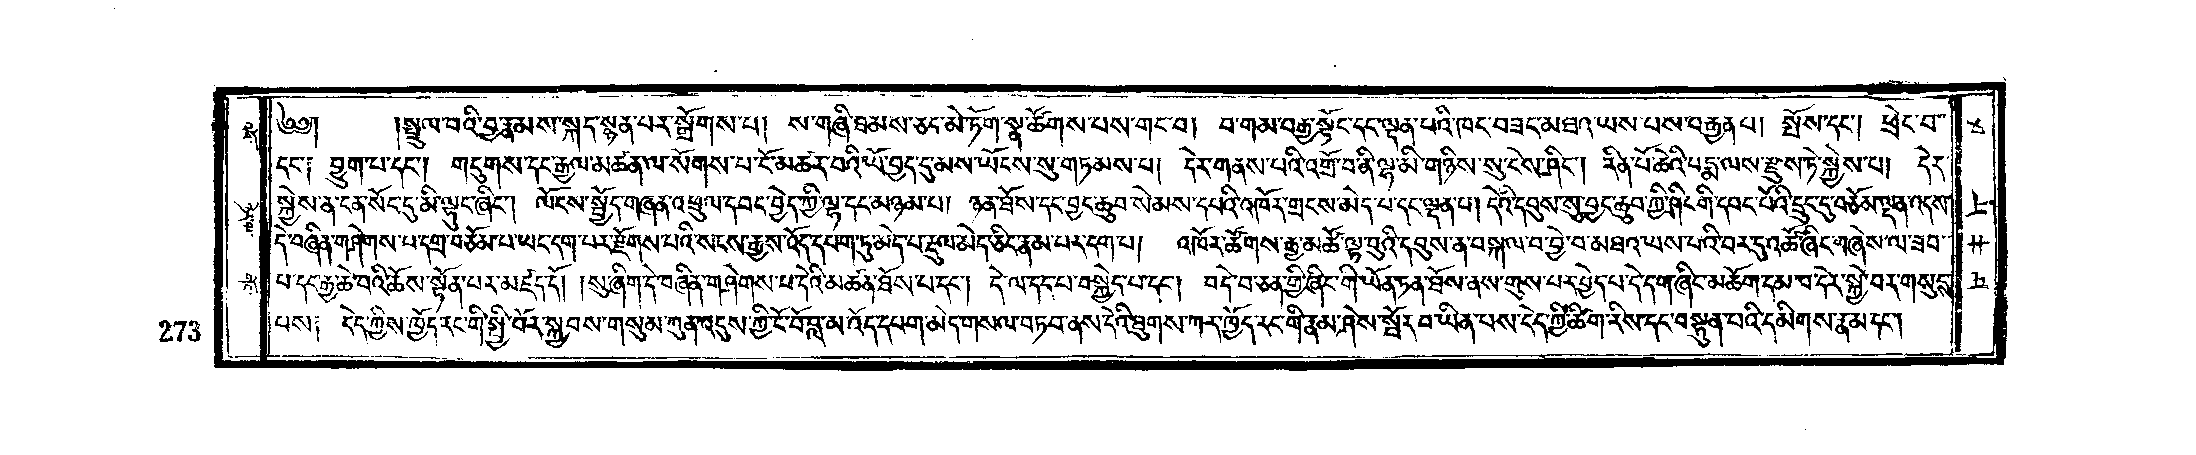༄༅། །སྤྲུལ་བའི་བྱ་རྣམས་སྐད་སྙན་པར་སྒྲོགས་པ། ས་གཞི་ཐམས་ཅད་མེ་ཏོག་སྣ་ཚོགས་པས་གང་བ། བ་གམ་བརྒྱ་སྟོང་དང་ལྡན་པའི་ཁང་བཟང་མཐའ་ཡས་པས་བརྒྱན་པ། སྤོས་དང་། ཕྲེང་བ་
དང་། བྱུག་པ་དང་། གདུགས་དང་རྒྱལ་མཚན་ལ་སོགས་པ་ངོ་མཚར་བའི་ཡོ་བྱད་དུ་མས་ཡོངས་སུ་གཏམས་པ། དེར་གནས་པའི་འགྲོ་བ་ནི་ལྷ་མི་གཉིས་སུ་ངེས་ཤིང་། རིན་པོ་ཆེའི་པདམ་ལས་རྫུས་ཏེ་སྐྱེས་པ། དེར་
སྐྱེས་ན་ངན་སོང་དུ་མི་ལྟུང་ཞིང་། ལོངས་སྤྱོད་གཞན་འཕྲུལ་དབང་བྱེད་ཀྱི་ལྷ་དང་མཉམ་པ། ཉན་ཐོས་དང་བྱང་ཆུབ་སེམས་དཔའི་འཁོར་གྲངས་མེད་པ་དང་ལྡན་པ། དེའི་དབུས་སུ་བྱང་ཆུབ་ཀྱི་ཤིང་གི་དབང་པོའི་དྲུང་དུ་བཅོམ་ལྡན་འདས་
དེ་བཞིན་གཤེགས་པ་དགྲ་བཅོམ་པ་ཡང་དག་པར་རྫོགས་པའི་སངས་རྒྱས་འོད་དཔག་ཏུ་མེད་པ་རྡུལ་མེད་ཅིང་རྣམ་པར་དག་པ། འཁོར་ཚོགས་རྒྱ་མཚོ་ལྟ་བུའི་དབུས་ན་བསྐལ་བ་བྱེ་བ་མཐའ་ཡས་པའི་བར་དུ་འཚོ་ཞིང་གཞེས་ལ་ཟབ་
པ་དང་རྒྱ་ཆེ་བའི་ཆོས་སྟོན་པར་མཛད་དོ། །སུ་ཞིག་དེ་བཞིན་གཤེགས་པ་དེའི་མཚན་ཐོས་པ་དང་། དེ་ལ་དད་པ་བསྐྱེད་པ་དང་། བདེ་བ་ཅན་གྱི་ཞིང་གི་ཡོན་ཏན་ཐོས་ནས་གུས་པར་བྱེད་པ་དེ་དག་ཞིང་མཆོག་དམ་པ་དེར་སྐྱེ་བར་གསུངས་
པས། ངེད་ཀྱིས་ཁྱོད་རང་གི་སྤྱི་བོར་སྐྱབས་གསུམ་ཀུན་འདུས་ཀྱི་ངོ་བོ་བླ་མ་འོད་དཔག་མེད་གསལ་བཏབ་ནས་དེའི་ཐུགས་ཀར་ཁྱོད་རང་གི་རྣམ་ཤེས་སྦོར་བ་ཡིན་པས་ངེད་ཀྱི་ཚིག་རིས་དང་བསྟུན་པའི་དམིགས་རྣམ་དང་།